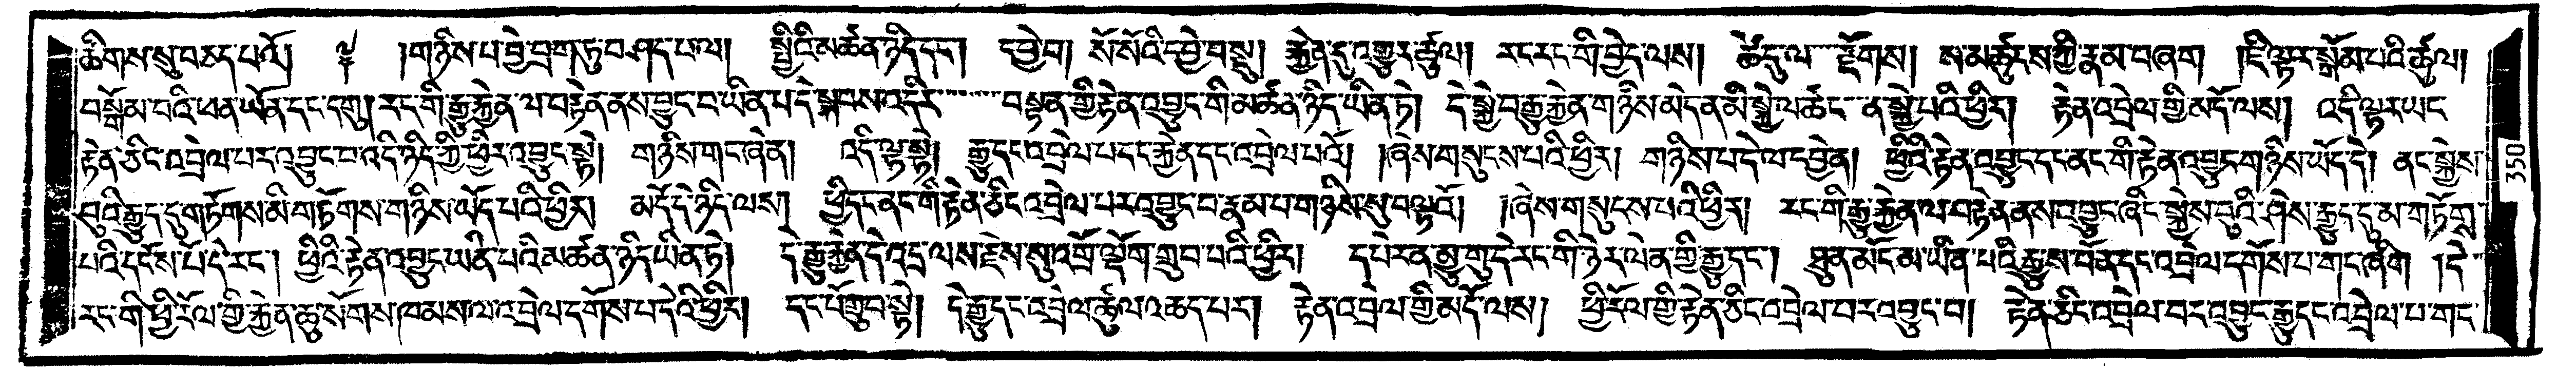ཆིགས་སུ་བཅད་པའོ། ༈ །གཉིས་པ་བྱེ་བྲག་ཏུ་བཤད་པ་ལ། སྤྱིའི་མཚན་ཉིད་དང་། དབྱེ་བ། སོ་སོའི་དབྱེ་བསྡུ། རྐྱེན་དུ་འགྱུར་ཚུལ། རང་རང་གི་བྱེད་ལས། ཚེ་དུ་ལ་རྫོགས། ས་མཚུངས་ཀྱི་རྣམ་བཞག །ཇི་ལྟར་སྒོམ་པའི་ཚུལ།
བསྒོམ་པའི་ཕན་ཡོན་དང་དགུ། རང་གི་རྒྱུ་རྐྱེན་ལ་བརྟེན་ནས་བྱུང་བ་ཡིན་པ་དེ་སྐབས་འདིར་བསྟན་གྱི་རྟེན་འབྱུང་གི་མཚན་ཉིད་ཡིན་ཏེ། དེ་སྐྱེ་བ་རྒྱུ་རྐྱེན་གཉིས་མེད་ན་མི་སྐྱེ་ལ་ཚང་ན་སྐྱེ་པའི་ཕྱིར། རྟེན་འབྲེལ་གྱི་མདོ་ལས། འདི་ལྟར་ཡང་
རྟེན་ཅིང་འབྲེལ་པར་འབྱུང་བ་འདི་ཉིད་ཀྱི་ཕྱིར་འབྱུང་སྟེ། གཉིས་གང་ཞེ་ན། འདི་ལྟ་སྟེ། རྒྱུ་དང་འབྲེལ་པ་དང་རྐྱེན་དང་འབྲེལ་པའོ། །ཞེས་གསུངས་པའི་ཕྱིར། གཉིས་པ་དེ་ལ་དབྱེ་ན། ཕྱིའི་རྟེན་འབྱུང་དང་ནང་གི་རྟེན་འབྱུང་གཉིས་ཡོད་དེ། ནང་སྐྱེས་
བུའི་རྒྱུད་དུ་གཏོགས་མི་གཏོགས་གཉིས་ཡོད་པའི་ཕྱིར། མདོ་དེ་ཉིད་ལས། ཕྱི་དང་ནང་གི་རྟེན་ཅིང་འབྲེལ་པར་འབྱུང་བ་རྣམ་པ་གཉིས་སུ་བལྟའོ། །ཞེས་གསུངས་པའི་ཕྱིར། རང་གི་རྒྱུ་རྐྱེན་ལ་བརྟེན་ནས་འབྱུང་ཞིང་སྐྱེས་བུའི་ཤེས་རྒྱུད་དུ་མ་གཏོགས་
པའི་དངོས་པོ་དེ་རང་། ཕྱིའི་རྟེན་འབྱུང་ཡིན་པའི་མཚན་ཉིད་ཡིན་ཏེ། དེ་རྒྱུ་རྐྱེན་དེ་འདྲ་ལས་རྗེས་སུ་འགྲོ་ལྡོག་གྲུབ་པའི་ཕྱིར། དཔེར་ན་མྱུ་གུ་དེ་རང་གི་ཉེར་ལེན་གྱི་རྒྱུ་དང་། ཐུན་མོང་མ་ཡིན་པའི་རྒྱུ་ས་བོན་དང་འབྲེལ་དགོས་པ་གང་ཞིག །དེ་
རང་གི་ཕྱི་རོལ་གྱི་རྐྱེན་ཆུ་སོགས་ཁམས་ལ་འབྲེལ་དགོས་པ་དེའི་ཕྱིར། དང་པོ་གྲུབ་སྟེ། དེ་རྒྱུ་དང་འབྲེལ་ཚུལ་འཆད་པར། རྟེན་འབྲེལ་གྱི་མདོ་ལས། ཕྱི་རོལ་གྱི་རྟེན་ཅིང་འབྲེལ་པར་འབྱུང་བ། རྟེན་ཅིང་འབྲེལ་བར་འབྱུང་རྒྱུ་དང་འབྲེལ་པ་གང་